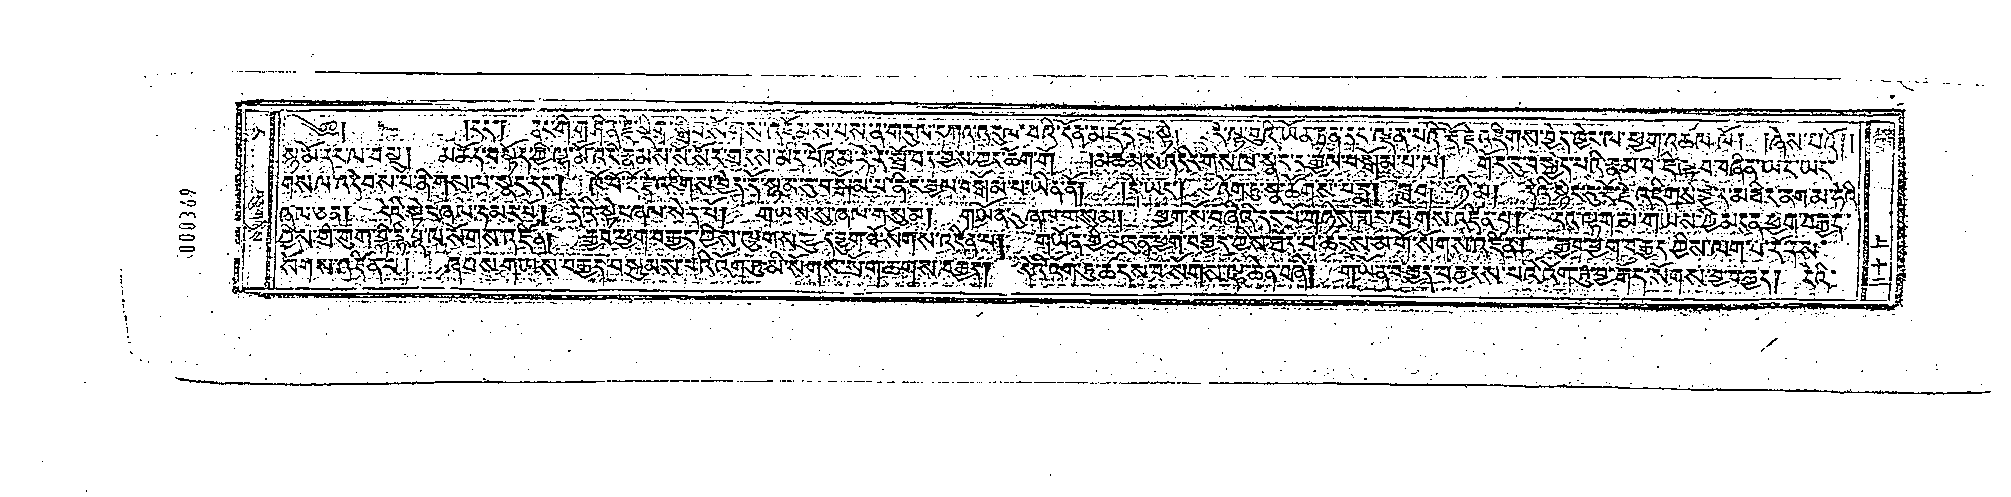༄༅། །དང་། ནང་གི་གཤིན་རྗེ་སྡིག་སྒྲིབ་སོགས་འཇོམས་པས་ན་གདུལ་དཀའ་འདུལ་བའི་དོན་མཛད་པ་སྟེ། དེ་ལྟ་བུའི་ཡོན་ཏན་དང་ལྡན་པའི་རྡོ་རྗེ་འཇིགས་བྱེད་ཁྱེད་ལ་ཕྱག་འཚལ་ལོ། །ཞེས་པའོ། །
ལྷ་མོ་རང་ལ་བསྡུ། མཆོད་བསྟོད་ཀྱི་ལྷ་མོ་འདི་རྣམས་སོ་སོར་གྲངས་མང་པོའམ་རེ་རེ་སྤྲོ་བར་བྱས་ཀྱང་ཆོག་གོ །མཚམས་འདིར་གསལ་སྣང་ང་རྒྱལ་བསྒོམ་པ་ལ། གོང་དུ་བསྐྱེད་པའི་རྣམ་པ་ཇི་ལྟ་བ་བཞིན་ཡང་ཡང་
གསལ་འདེབས་པ་ནི་གསལ་སྣང་དང་། ཁོ་བོ་རྡོ་རྗེ་འཇིགས་བྱེད་དོ་སྙན་དུ་བསྒོམ་པ་ནི་ང་རྒྱལ་བསྒོམ་པ་ཡིན་ནོ། །དེ་ཡང་། འོག་ཏུ་སྣ་ཚོགས་པདམ། ཟླ་བ། ཉི་མ། དེའི་སྙིང་དུ་རྡོ་རྗེ་འཇིགས་བྱེད་མཐིང་ནག་མ་ཧེའི་
ཞལ་ཅན། དེའི་སྟེང་ཞལ་དམར་པོ། དེའི་སྟེང་ཞལ་སེར་པོ། གཡས་སུ་ཞལ་གསུམ། གཡོན་དུ་ཞལ་གསུམ། ཕྱག་སོ་བཞིའི་དང་པོ་གཉིས་གླང་ལྤགས་འཛིན་པ། ངའི་ལྷག་མ་གཡས་ཀྱི་མདུན་ཕྱག་བརྒྱད་
ཀྱིས་གྲི་གུག་བྷི་དྷི་པཱ་ལ་སོགས་འཛིན། རྒྱབ་ཕྱག་བརྒྱད་ཀྱིས་ལྕགས་ཀྱུ་དབྱུག་ཐོ་སོགས་འཛིན་པ། གཡོན་གྱི་མདུན་ཕྱག་བརྒྱད་ཀྱིས་ཐོད་པ་ཚངས་མགོ་སོགས་འཛིན། རྒྱབ་ཕྱག་བརྒྱད་ཀྱིས་ལག་པ་རོ་རས་
སོགས་འཛིན་པ། ཞབས་གཡས་བརྒྱད་བསྐུམས་པའི་འོག་ཏུ་མི་སོགས་སྲོག་ཆགས་བརྒྱད། དེའི་འོག་ཏུ་ཚངས་བ་སོགས་ལྷ་ཆེན་བཞི། གཡོན་བརྒྱད་བརྐྱངས་པའི་འོག་ཏུ་བྱ་རྒོད་སོགས་བྱ་བརྒྱད། དེའི་